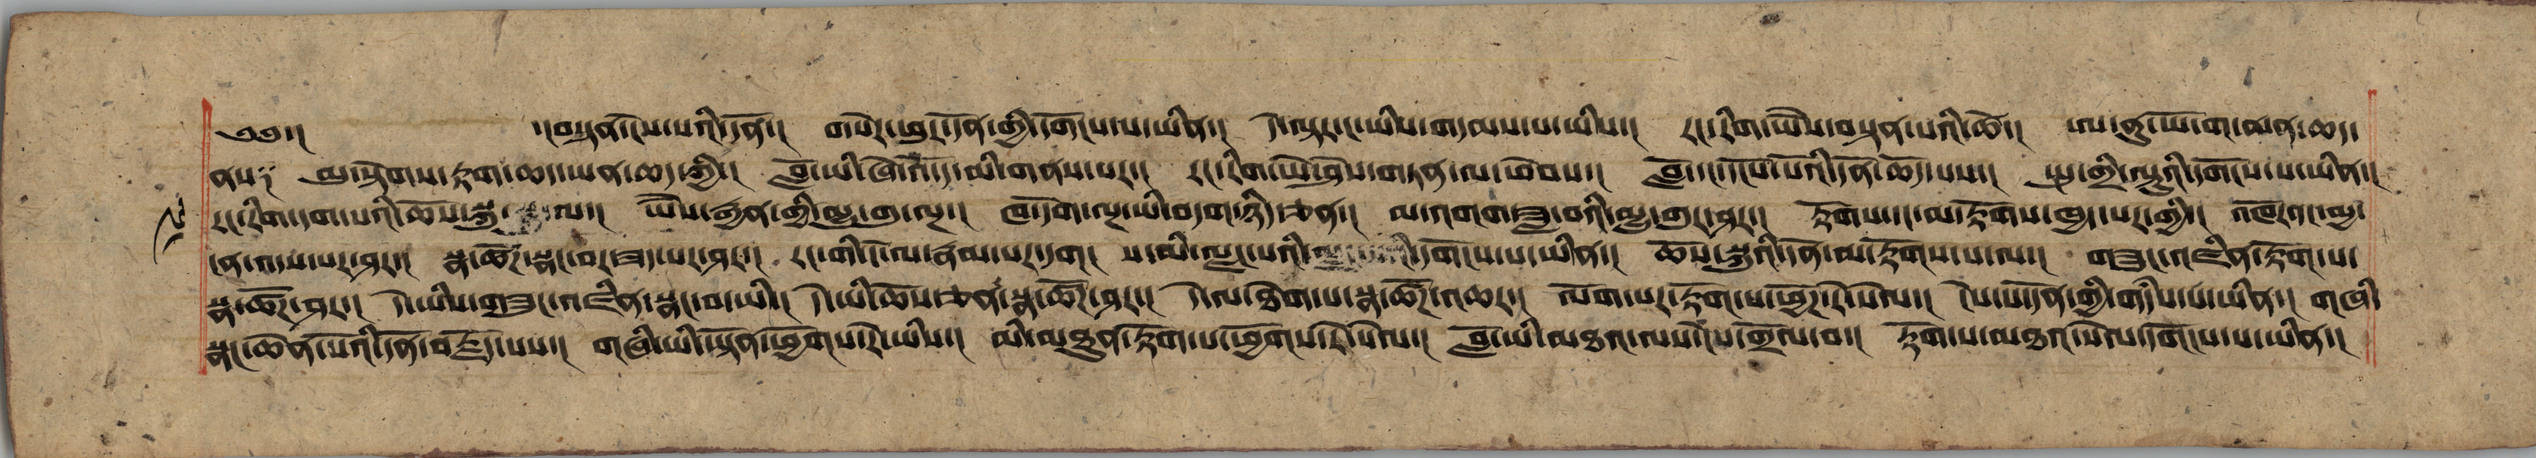༄༅་། ་།བསྟན་ངེས་པའི་དོན་། གསེར་ཕུར་དོན་གྱི་དགོངས་པ་ཡིན་། དེ་ལྟར་ང་ཡིས་གདམས་པ་ཡིས་། རང་རིག་ཡཻས་བསྟན་པའི་ཚེ་། ཨ་ནུ་ཡོ་ག་མན་ཆད་
ནས༑ མུ་སྟེགས་རྟག་ཆད་ཡན་ཆད་གྱི་། བློ་ཡི་ཞེ་འདོད་མི་གནས་པར་། རང་རིག་ཡེ་ཤེས་གཏན་ལ་ཕེབས་། བློ་དང་དངོས་པོའི་དོན་ཆོད་པས་། སྤུ་གྲི་ལྟུའི་དགོངས་པ་ཡིན་།
རང་རིག་དག་པའི་ཆོས་སྐུ་ལ་། ཡཻས་རྒྱན་གྱི་མྱུ་གུ་ལྔ་། ཁ་དོག་ལྔ་ཡི་བདག་ཉིད་ཅན་། མ་འགག་ཟླ་བའི་མྱུ་གུར་ཤར་། རྟོགས་དང་མ་རྟོགས་ཁྱད་པར་གྱི་། འཁོར་དང་མྱ་
ངན་འདས་པར་ཤར་། སྣ་ཚོཌ་སྣང་བར་ཟད་པར་ཤར་། རང་གི་ངོ་ལ་རྣམ་པར་དག། ས་ལི་ལྗང་པའི་ དགོངས་པ་ཡིན་། ཆོས་སྐུའི་དོན་མ་རྟོགས་པ་ལ་། གཟུང་འཛིན་རྟོག་པ་
སྣ་ཚོཌཤར་། དེ་ཡིས་གཟུང་འཛིན་སྣང་བ་ཡི་། དེ་ཡི་ཆོས་ཅན་སྣ་ཚོཌ་ཤར་། དེ་ལ་ཐེག་པ་སྣ་ཚོཌ་འཆར་། ལོག་པར་རྟོག་པ་ཕྱོཌ་རེ་སེལ་། ངེས་པ་དོན་གྱི་གདཾས་པ་ཡིན་། གཞི་
སྣང་ཆེན་པོའི་དོན་བརྗོད་པས་། གཞི་ཡི་ཡྟོན་ཕྱོགས་རེ་ཡིས་། མི་མཐུན་རྟོག་པ་ཕྱོགས་རེ་སེལ་། བློ་ཡི་མཐའ་ལས་ངེས་གྲོལ་བ་། རྟོག་པ་མཐའ་སེལ་དགོངས་པ་ཡིན་།